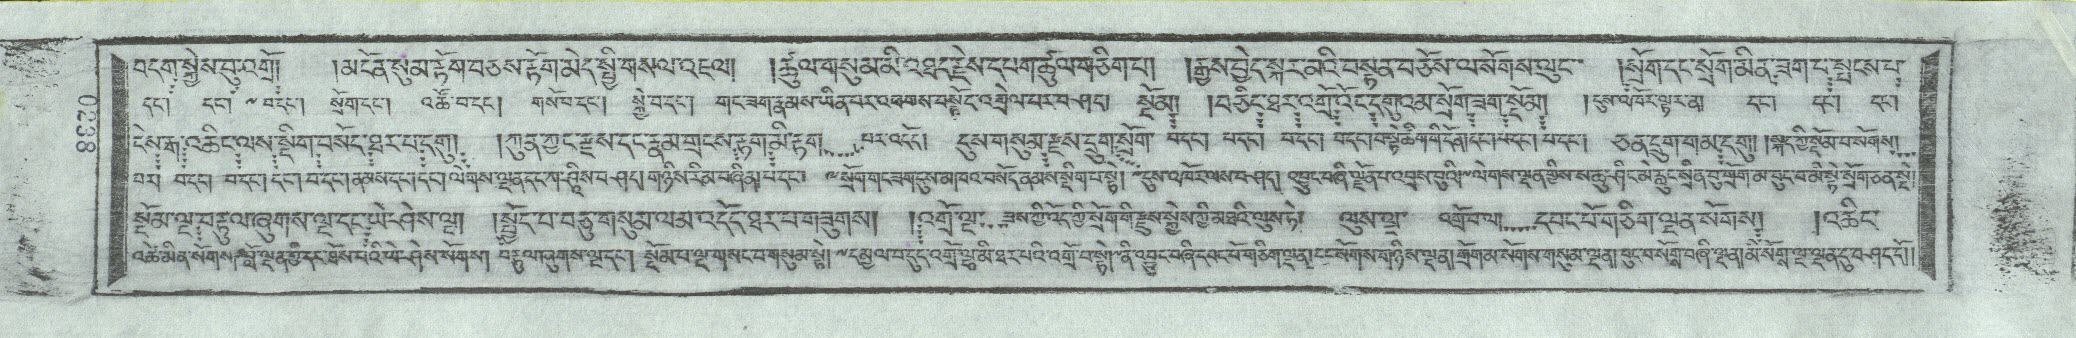བདག་སྐྱེས་བུ་འགྲོ། །མངོན་སུམ་རྟོག་བཅས་རྟོག་མེད་སྤྱི་གསལ་འཇལ། །ཚུལ་གསུམ་མི་འཐད་རྗེས་དཔག་ཚུལ་གཅིག་པ། །རྒྱས་བྱེད་སྐར་མའི་བསྟན་བཅོས་ལ་སོགས་ལུང་། །སྲོག་དང་སྲོག་མིན་ཟག་པ་སྤངས་པ་
དང་། དང་། བདང་། སྲོག་དང་། འཚོ་པ་དང་། གསོ་བ་དང་། སྐྱེ་བ་དང་། གང་ཟག་རྣམས་ཡིན་བར་འཕགས་བསྟོང་འགྲེལ་བར་བཤད། སྔོམ། །བཅིང་ཐར་འགྲོ་འོང་དགུའམ་སྲོག་ཟག་སྡོམ། །དུས་འཁོར་ལྟར་ན། དང་། དང་། དང་
ངེས་རྒ་འཆིད་ལ་སྡིག་བསོད་ཐར་པ་དགུ། །ཀུན་ཀྱང་རྫས་དང་རྣམ་གྲངས་རྟག་མི་རྟག་པར་འདོད། དུས་གསུམ་རྫས་དྲུག་སྲོག་པ་དང་། པ་དང་། པ་དང་། བ་བ་ལྟེ་ཚིག་གི་དོན། པ་དང་། པ་དང་། ཅན་དྲུག་གམ་དགུ། སྐད་ཀྱི་སྡོམ་པ་སོགས།
པར། བ་དང་པ། དང་། བ་དང་། ནམས་དང་། པ་ལེགས་ལྡན་དང་ཀ་ཤཱིས་བཤད། གཉིར་རིམ་བཞིན་པ་དང་། སྲོག་གན་ཟག་དུས་མཁའ་བསོད་ནས་སྡིག་བ་སྟེ། འདུས་ཉ་ཁོ་ལས་བཤད། འབྱུང་བཞི་སྔོན་འབྲས་བུའི་ལེགས་ལྡན་གྱིས་ས་ཅུ་ཤིན་མེ་ཆུན་སྲིན་བུ་གྲོག་མ་བུང་པ་མེ་སྟེ་སྲོག་ཅན་སྡེ་
སྡོམ་ལྔ་བརྟུལ་ཞུགས་ལྔ་དང་ཡེ་ཤེས་ལྔ། །སྦྱོད་པ་བཅུ་གསུམ་ལམ་འདོད་ཐར་པ་གཟུགས། །འགྲོ་ལྔ་ཟས་ཀྱི་འོད་ཀྱི་སྲོག་གི་རྫུས་སྐྱེས་ཀྱི་མཐའི་ལུས་ཏེ། ལུས་ལྔ་འགྲོལ་ལ། དབང་པོ་གཅིག་ལྡན་སོགས། །འཆིང་
འཚེ་མིན་སོགས། བློ་ལྡན་ཀྱི་དང་ཐོས་པའི་ཡེ་ཤེས་སོགས། བརྟུལ་ཞུགས་ལྔ་དང་། སྡོམ་པ་ལྔ་གསང་པ་གསུམ་སྟེ། དམྱལ་བདུད་འགྲོ་ལྷ་མི་ཐར་པའི་འགྲོ་བསྟེ། ནི་འབྱུང་བ་ཞི་དབང་པོ་གཅིག་ལྡན་དང་སོགས་གཉིས་ལྡན་སྲོག་མ་སོགས་གསུམ་ལྡན། བུང་བ་སོགས་བཞི་ལྡན། མོ་སོགས་ལྔ་ལྡན་དུ་བཤད་དོ།